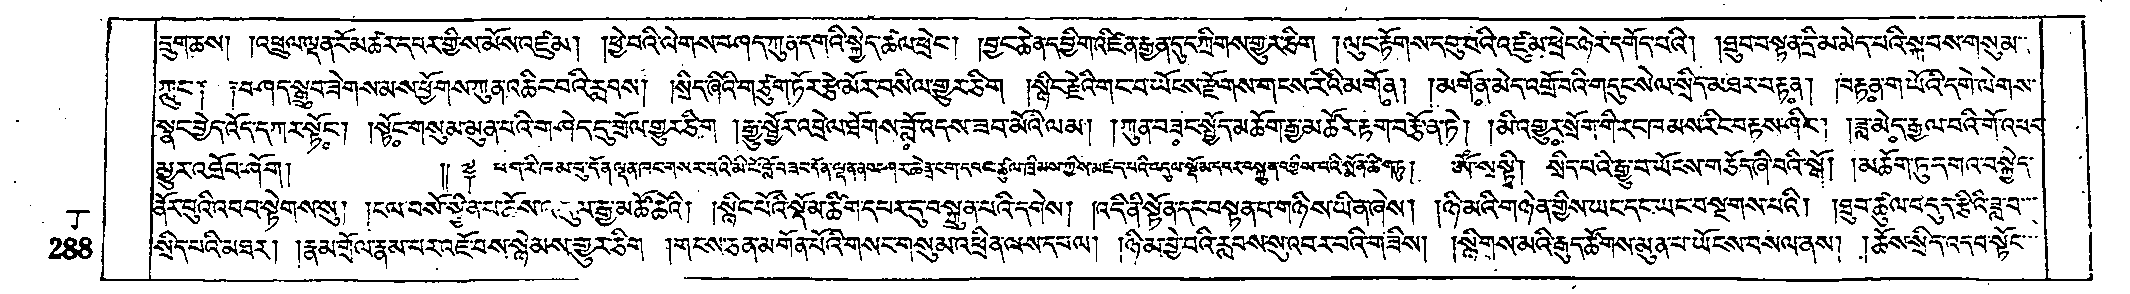དྲུག་ཆས། །འཕྲུལ་ལྡན་ངོ་མཚར་དཔར་གྱི་ས་མོས་འཛུམ། །ཕྱེ་བའི་ལེགས་བཤད་ཀུན་དགའི་སྐྱེད་ཚལ་ཕྲེང་། །བྱང་ཆེན་དབྱིག་འཛིན་རྒྱན་དུ་དཀྲིགས་གྱུར་ཅིག །ལུང་རྟོགས་དབུ་བའི་འཛུམ་ཕྲེང་ཉེར་དགོད་པའི། །ཐུབ་བསྟན་དྲི་མ་མེད་པའི་སྐབས་གསུམ་་་
ཀླུང༑ ༑བཤད་སྒྲུབ་ཟེགས་མས་ཕྱོགས་ཀུན་འཆིང་བའི་རླབས། །སྲིད་ཞིའི་གཙུག་ཏོར་རྩེ་མོར་བསིལ་གྱུར་ཅིག །སྙིང་རྗེའི་གང་བ་ཡོངས་རྫོགས་གངས་རིའི་མགོན྾། །མགོན྾་མེད་འགྲོ་བའི་གདུང་སེལ་སྲིད་མཐར་བརྟན྾། །བརྟན྾་གཡོའི་དགེ་ལེགས་
སྣང་བྱེད་འོད་དཀར་སྟོང྾། །སྟོང྾་གསུམ་མུན་པའི་གཤེད་དུ་གྲོལ་གྱུར་ཅིག །རྒྱུ་སྦྱོར་འབྲེལ་ཐོགས་བློ྾་འདས་ཟབ་མོའི་ལམ། །ཀུན་བཟང྾་སྤྱོད་མཆོག་རྒྱ་མཚོར་རྟག་བརྩོན་ཏེ། །མི་འགྱུར྾་སྲོག་གི་རང་ཁམས་རིང་བརྟས་ཤིང་། །ཟླ་མེད྾་རྒྱལ་བའི་གོ་འཕང་
མྱུར་འཐོབ་ཤོག། །། འ་ཕག་རི་ཁམ་བུ་དོན་ལྡན་ཁང་གསར་བའི་མི་ངོ་བློ་བཟང་དོན་ལྡན་ནས་ཤར་ཆེན་ངག་དབང་ཚུལ་ཁྲིམས་ཀྱིས་མཛད་པའི་འདུལ་སྡོམ་དཔར་བསྐྲུན་བགྱིས་པའི་སྨོན་ཚིག་ཏུ།  ཨོཾ་སྭསྟྭི། །སྲིད་པའི་རྒྱུ་བ་ཡོངས་གཅོད་ཞི་བའི་སྒོ། །མཆོག་ཏུ་དགའ་བསྐྱེད་
ནོར་བུའི་འབབ་སྟེགས་སུ། །ངལ་བསོ་སྦྱིན་པ་ཆོས་འདུལ་རྒྱ་མཚོ་ཆེའི། །སྙིང་པོའི་སྡོམ་ཚིག་དཔར་དུ་བསྐྲུན་པའི་དགེས། །འདི་ནི་སྟོན་དང་བསྟན་པ་གཉིས་ཡིན་ཞེས། །ཉི་མའི་གཉེན་གྱིས་ཡང་དང་ཡང་བསྔགས་པའི། །ཐུབ་ཚུལ་བདུད་རྩིའི་ཟླ་བ་་་
སྲིད་པའི་མཐར། །རྣམ་གྲོལ་རྣམ་པར་འཇོ་བས་སྙེམས་གྱུར་ཅིག །གངས་ཅན་མགོན་པོའི་གསང་གསུམ་འཕྲིན་ལས་དཔལ། །ཉི་མ་བྱེ་བའི་རླབས་སུ་འབར་བའི་གཟིས། །སྙིགས་མའི་རྒུད་ཚོགས་མུན་པ་ཡོངས་བསལ་ནས། །ཆོས་སྲིད་འདབ་སྟོང་་་